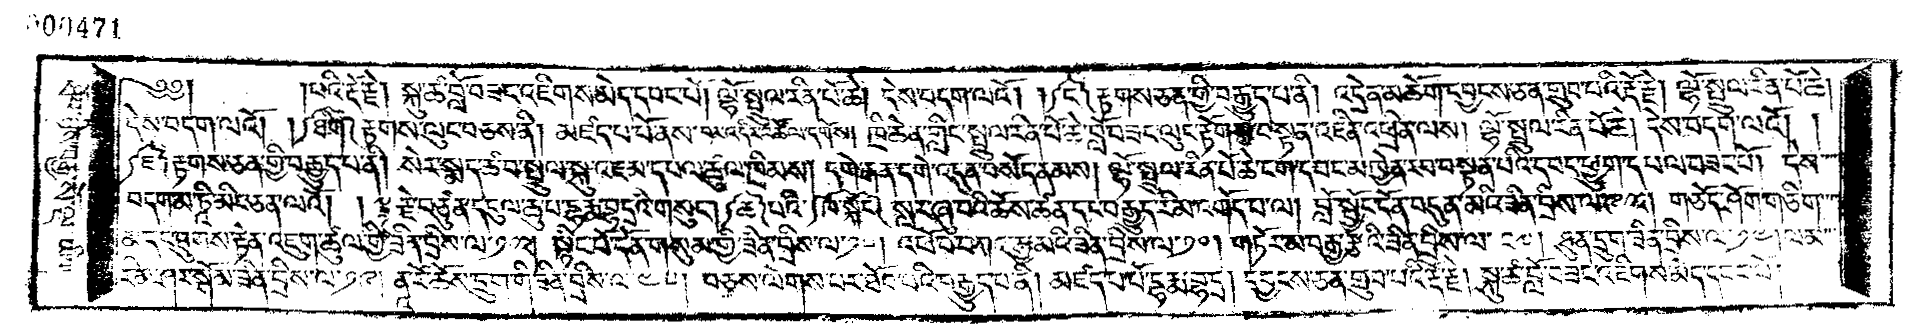༄༅། །པའི་རྡོ་རྗེ། སྐུ་ཚ་བློ་བཟང་འཇིགས་མེད་དབང་པོ། ལྷོ་སྤྲུལ་རིན་པོ་ཆེ། དེས་བདག་ལའོ། །༼ང༽ རྟགས་ཅན་གྱི་བརྒྱུད་པ་ནི། འདྲེན་མཆོག་དབྱངས་ཅན་གྲུབ་པའི་རྡོ་རྗེ། ལྷོ་སྤྲུལ་རིན་པོ་ཆེ།
དེས་བདག་ལའོ། །༼ཐིག༽ རྟགས་ལུང་བཅས་ནི། མཛད་པ་པོ་ནས་བར་འདིར་འཚོལ་དགོས། ཁྲི་ཆེན་གླིང་སྤྲུལ་རིན་པོ་ཆེ་བློ་བཟང་ལུང་རྟོགས་བསྟན་འཛིན་འ་ཕྲིན་ལས། ལྷོ་སྤྲུལ་རིན་པོ་ཆེ། དེས་བདག་ལའོ།།
༼ཇ༽ རྟགས་ཅན་གྱི་བརྒྱུད་པ་ནི། སེར་སྨད་ཚ་བ་སྤྲུལ་སྐུ་འཇམ་དཔལ་ཚུལ་ཁྲིམས། དགེ་རྒན་དགེ་འདུན་བསོད་ནམས། ལྷོ་སྤྲུལ་རིན་པོ་ཆེ་ངག་དབང་མཁྱེན་རབ་བསྟན་པའི་དབང་ཕྱུག་དཔལ་བཟང་པོ། དེས་
བདག་མ་ཏཱི་མིང་ཅན་ལའོ། །༈ རྗེ་བཙུན་དངུལ་ཆུ་བ་དྷརྨ་བྷདྲའི་གསུང་། ༼ཆ༽ པའི། ༼ཁ་སྐོང༽ སླར་ཞུ་བའི་ཆོས་ཚན་དང་བརྒྱུད་རིན་འགོད་པ་ལ། བློ་སྦྱོང་དོན་བདུན་མའི་ཟིན་བྲིས་ལ༩༣། གཅོད་ཤོག་གཅིག་
མ་དང་ཐུགས་རྟེན་འཇུག་ཚུལ་གྱི་ཟིན་བྲིས་ལ༡༣། སྙིང་པོ་དོན་གསུམ་གྱི་ཟིན་བྲིས་ལ༡༥། འཕོ་བ་བཀའ་རྒྱུ་མའི་ཟིན་བྲིས་ལ༡༠། གཏོར་མ་བརྒྱ་རྩའི་ཟིན་བྲིས་ལ ༢༧། ཐུན་དྲུག་ཟིན་བྲིས་ལ ༡༤། ལམ་
རིམ་ཤར་སྒོམ་ཟིན་བྲིས་ལ ༡༩། ནཱ་རོ་ཆོས་དྲུག་གི་ཟིན་བྲིས་ལ ༤༥། བཅས་ལེགས་པར་ཐོབ་པའི་བརྒྱུད་པ་ནི། མཛད་པ་པོ་དྷརྨ་བྷདྲ། དབྱངས་ཅན་སྒྲུབ་པའི་རྡོ་རྗེ། སྐུ་ཚ་བློ་བཟང་འཇིགས་མེད་དབང་པོ།